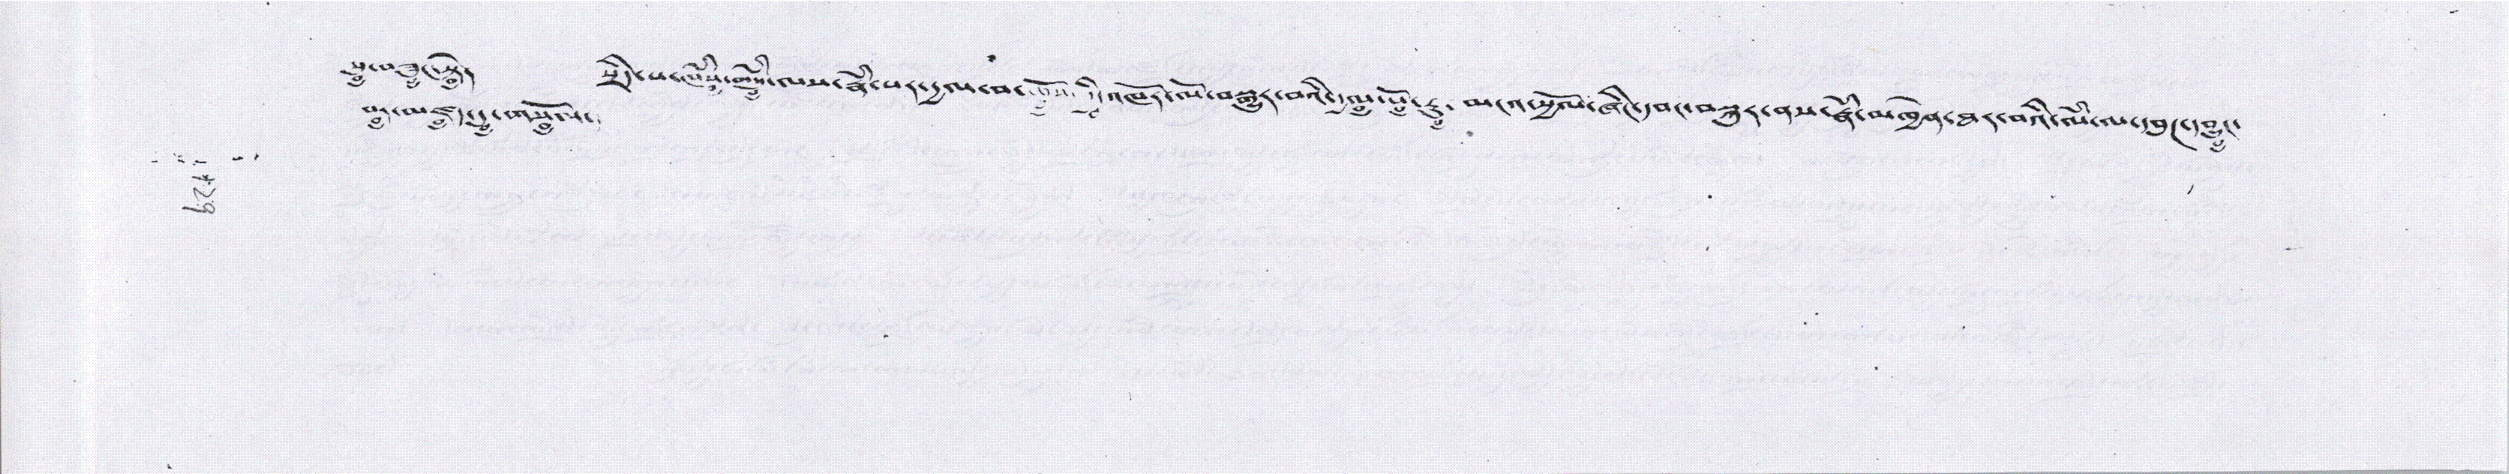སུ་བཟུང་སྟེ། སྲིད་པ་ཁམས་གསུམ་ལས་རྣམ་པར་རྒྱལ་བ་ཆོས་ཀྱི་འཁོར་ལོ་བསྒྱུར་བའི་རྒྱལ་པོ་རུ་མངའ་གསོལ་ཞིང་དབང་བསྐུར་ནས་རྣམ་མཁྱེན་ཐར་པའི་ལམ་ལ་དབུགས་དབྱུང་
བར་མཛད་དུ་གསོལ།། །།